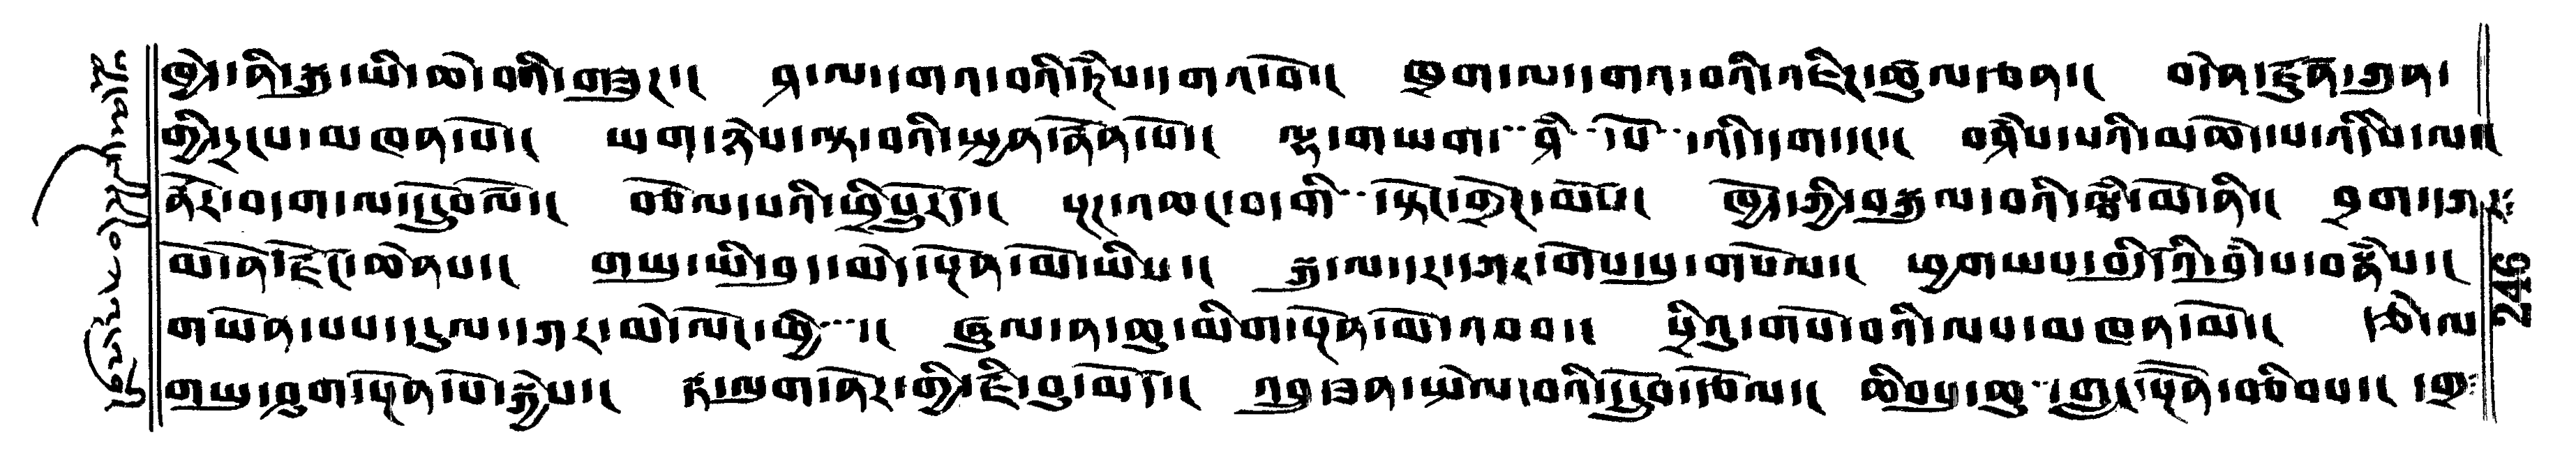ཁྱེད་ནི་སྐུ་ཡི་ཆེ་བའི་གཟུགས། །ཤ་ལ་དགའ་བའི་རྔམས་དགའ་བོ། ཁྲག་ལ་དགའ་བའི་འཇིགས་ཚུལ་ཅན། །བདེན་རྫུན་ཀུན་
གྱི་དྲངས་མཁན་པོ། །ཡག་ཉེས་ལྟ་བའི་སྤྱན་རྣོན་པོ། །ལྷ་གཡག་ཤམ་པོ་འདི་དག་དང་། །བཤམས་པའི་མཆོད་པ་འདི་བཞེས་ལ།
རྣལ་འབྱོར་བདག་ལ་དངོས་གྲུབ་སྩོལ། །བཅོལ་པའི་ཕྲིན་ལས་འགྲུབ་པར་མཛོད། །སྔགས་འཆང་བདག་གི་སྟོང་གྲོགས་མཛོད། ཁྱོད་ཀྱི་བསྐུལ་བའི་ལྕམ་མོ་ནི། །བྲག་དཀར་
སྔོན་པོའི་རྫོང་ཆེན་ནས། །གཡུ་ཡི་བུད་མེད་སྔོན་མོ་ཡིས། །སྐུ་ལ་དར་དཀར་དགོས་སུ་གསོལ། །ཕྱག་གཡས་བདུད་རྩིའི་བུམ་པ་བསྣམས། །
གཡོན་པས་དངུལ་དཀར་མེ་ལོང་ཕྱི། །ཞོལ་ན་ཆུ་མིག་སྔོན་མོ་འབབ། །སྲིའུ་གསོ་བའི་ལས་མཁན་མོ། །རྩེ་ལ་
གཡུ་ཤུག་སྔོན་པོ་སྐྱེས། །རྟ་ལུག་ནོར་གྱི་རྫི་བུ་མཛོད། །འབྲུ་ཟན་སྤེལ་བའི་དངོས་གྲུབ་སྩོལ། །ཆིབས་སུ་ཆུ་གླང་སྔོན་མོ་བཅིབས། །དགྲ་